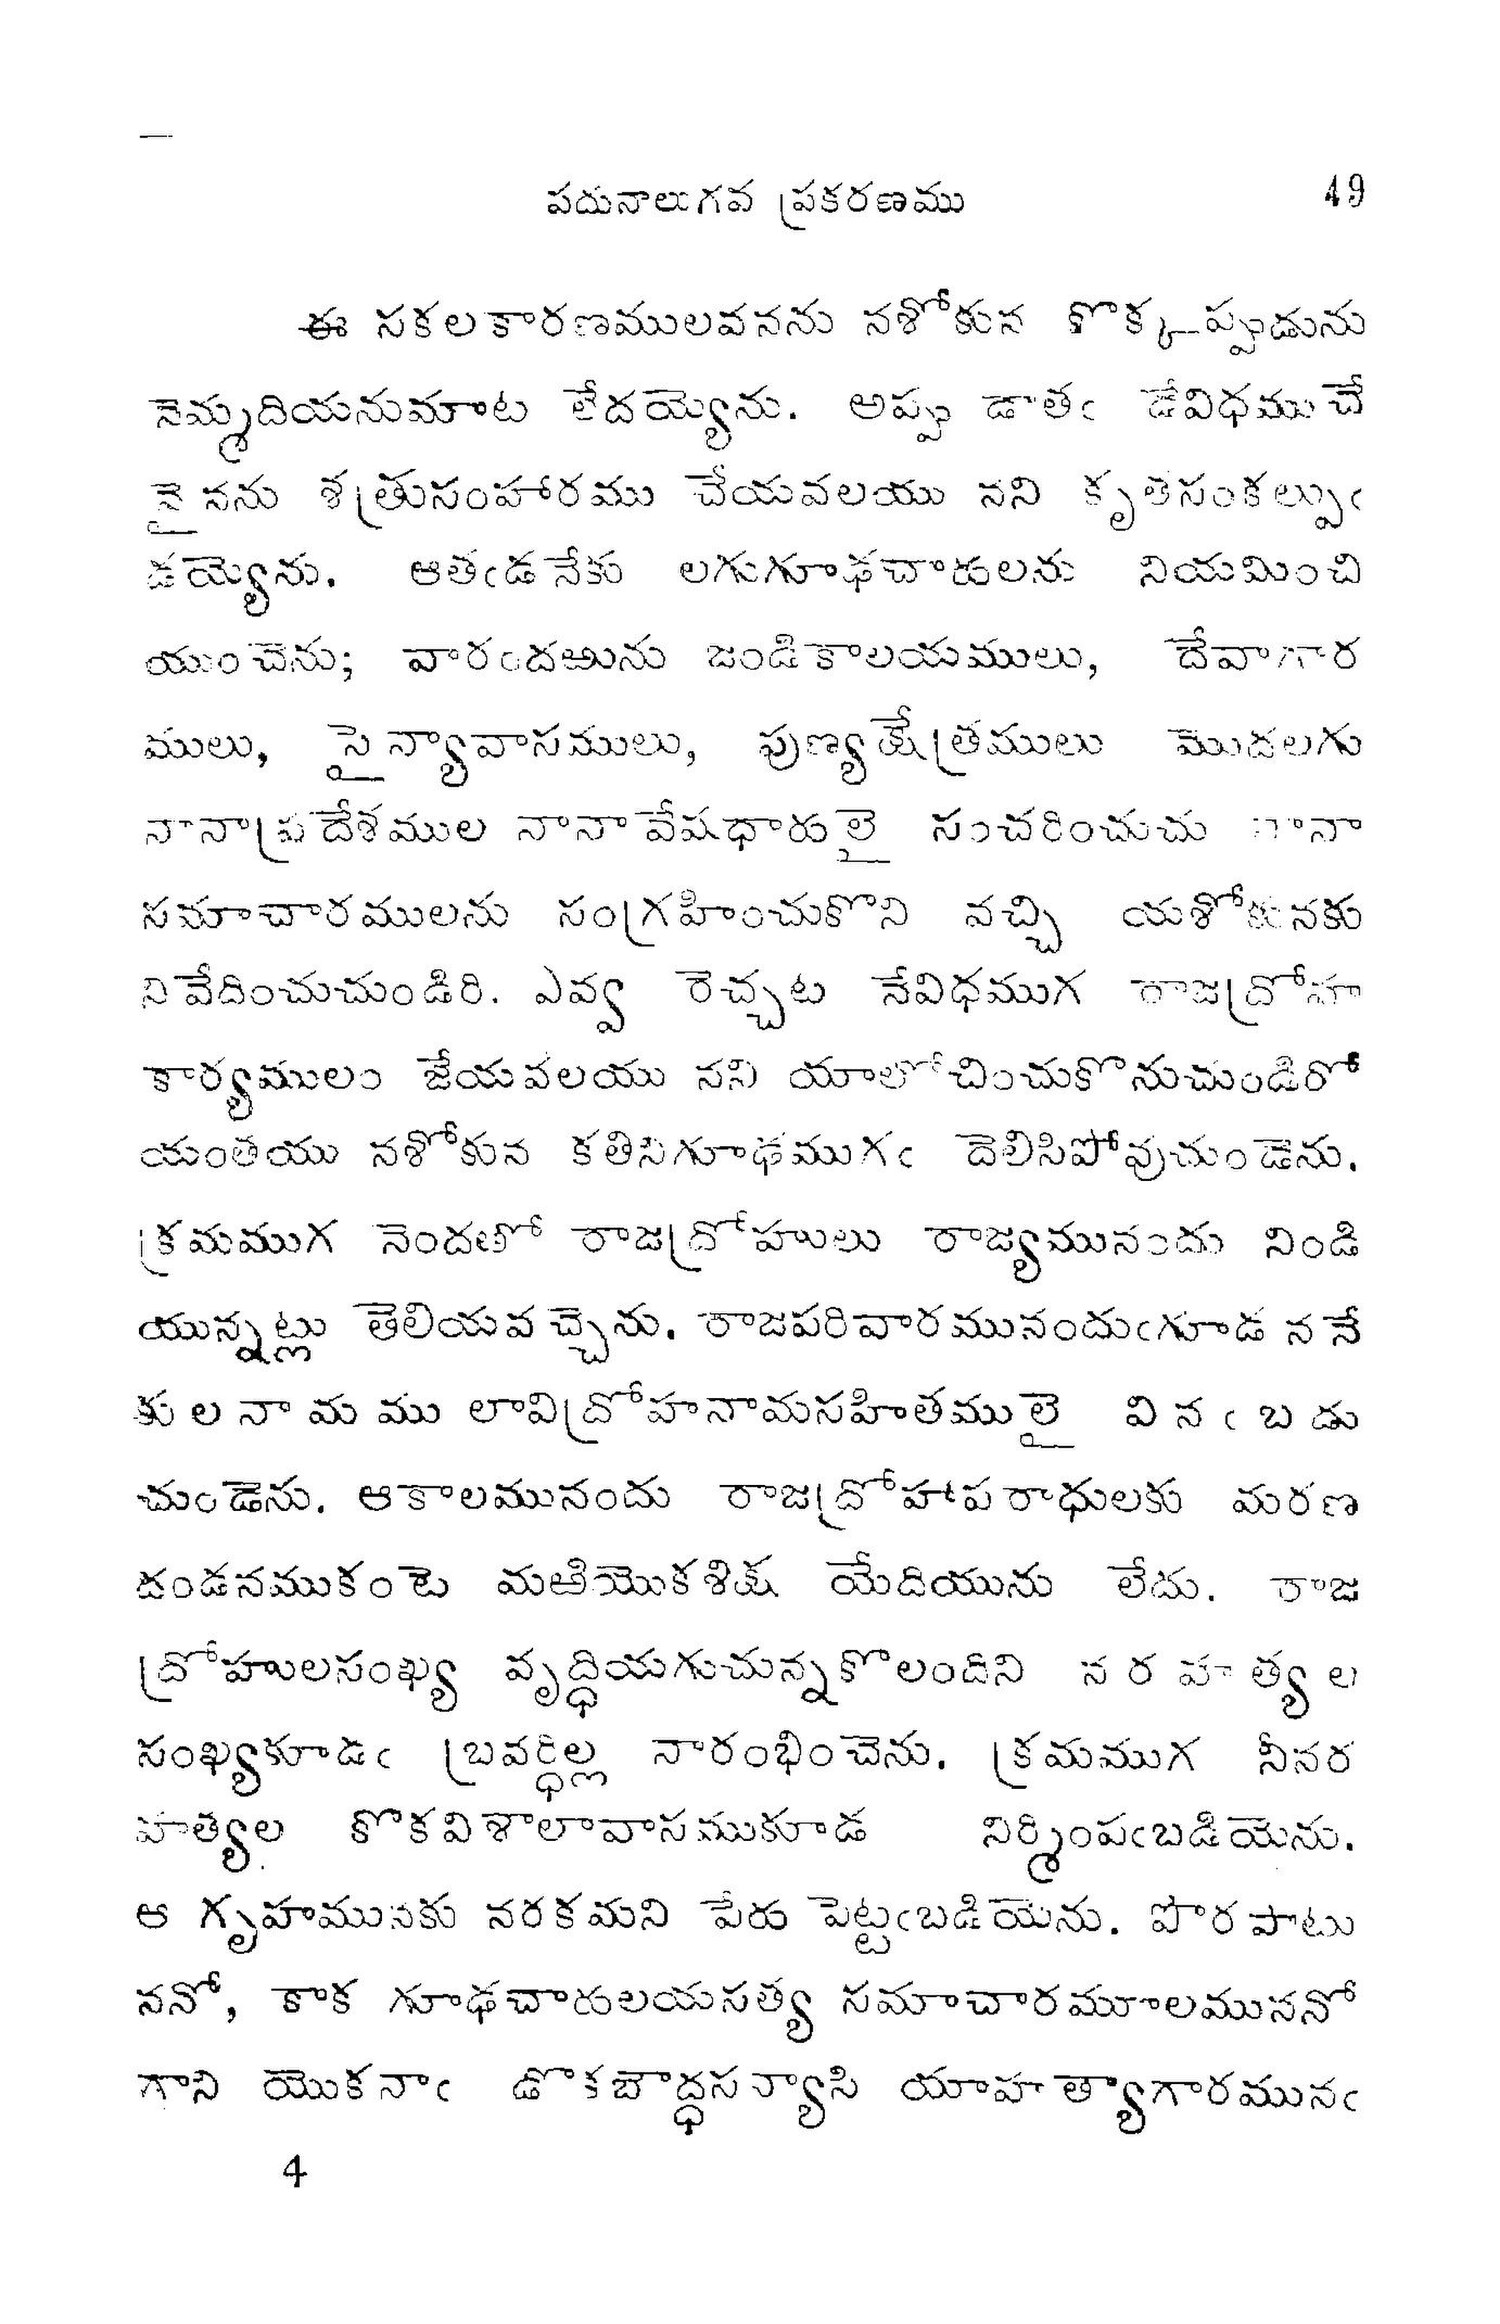ఈ సకలకారణములవనను నశోకున కొక్కప్పుడును నెమ్మదియనుమాట లేదయ్యెను. అప్పు డాతఁ డేవిధముచే నైనను శత్రుసంహారము చేయవలయు నని కృత సంకల్పుఁడయ్యెను. ఆతఁడ నేకు లగుగూఢచారులను నియమించి యుంచెను; వారందఱును జండి కాలయములు, దేవాగారములు, సైన్యావాసములు, పుణ్య క్షేత్రములు మొదలగు
నానాప్రదేశముల నానా వేషధారులై సంచరించుచు నానా సమాచారములను సంగ్రహించుకొని వచ్చి యశోకు నకు నివేదించుచుండిరి. ఎవ్వ రెచ్చట నేవిధముగ రాజ ద్రోహ కార్యములం చేయవలయు నని యాలో చించుకొనుచుండిరో యంతయు నశోకున కతిని గూఢముగఁ దెలిసిపోవుచుండెను. క్రమముగ నెందఱో రాజద్రోహులు రాజ్యమునందు నిండి యున్నట్లు తెలియవ చ్చెను. రాజపరివారమునందుఁగూడ ననే కులనామము లావిద్రోహ నామసహితము లై వినఁ బడు చుండెను. ఆ కాలమునందు రాజద్రోహాపరాధులకు మరణ దండనముకంటె మఱియొక శిక్ష యేదియును లేదు. రాజద్రోహుల సంఖ్య వృద్ధియగుచున్న కొలందిని నర హత్యల సంఖ్యకూడఁ బ్రవర్ధిల్ల నారంభించెను. క్రమముగ నీనరహత్యల కొక విశాలావాసము కూడ నిర్మింపఁబడియెను. ఆ గృహమునకు నరకమని పేరు పెట్టఁబడియెను. పొరపాటు
ననో, కాక గూఢచారులయసత్య సమాచారమూలము ననో గాని యొకనాఁ డొక బౌద్ధసన్యాసి యాహ త్యాగారమునఁ